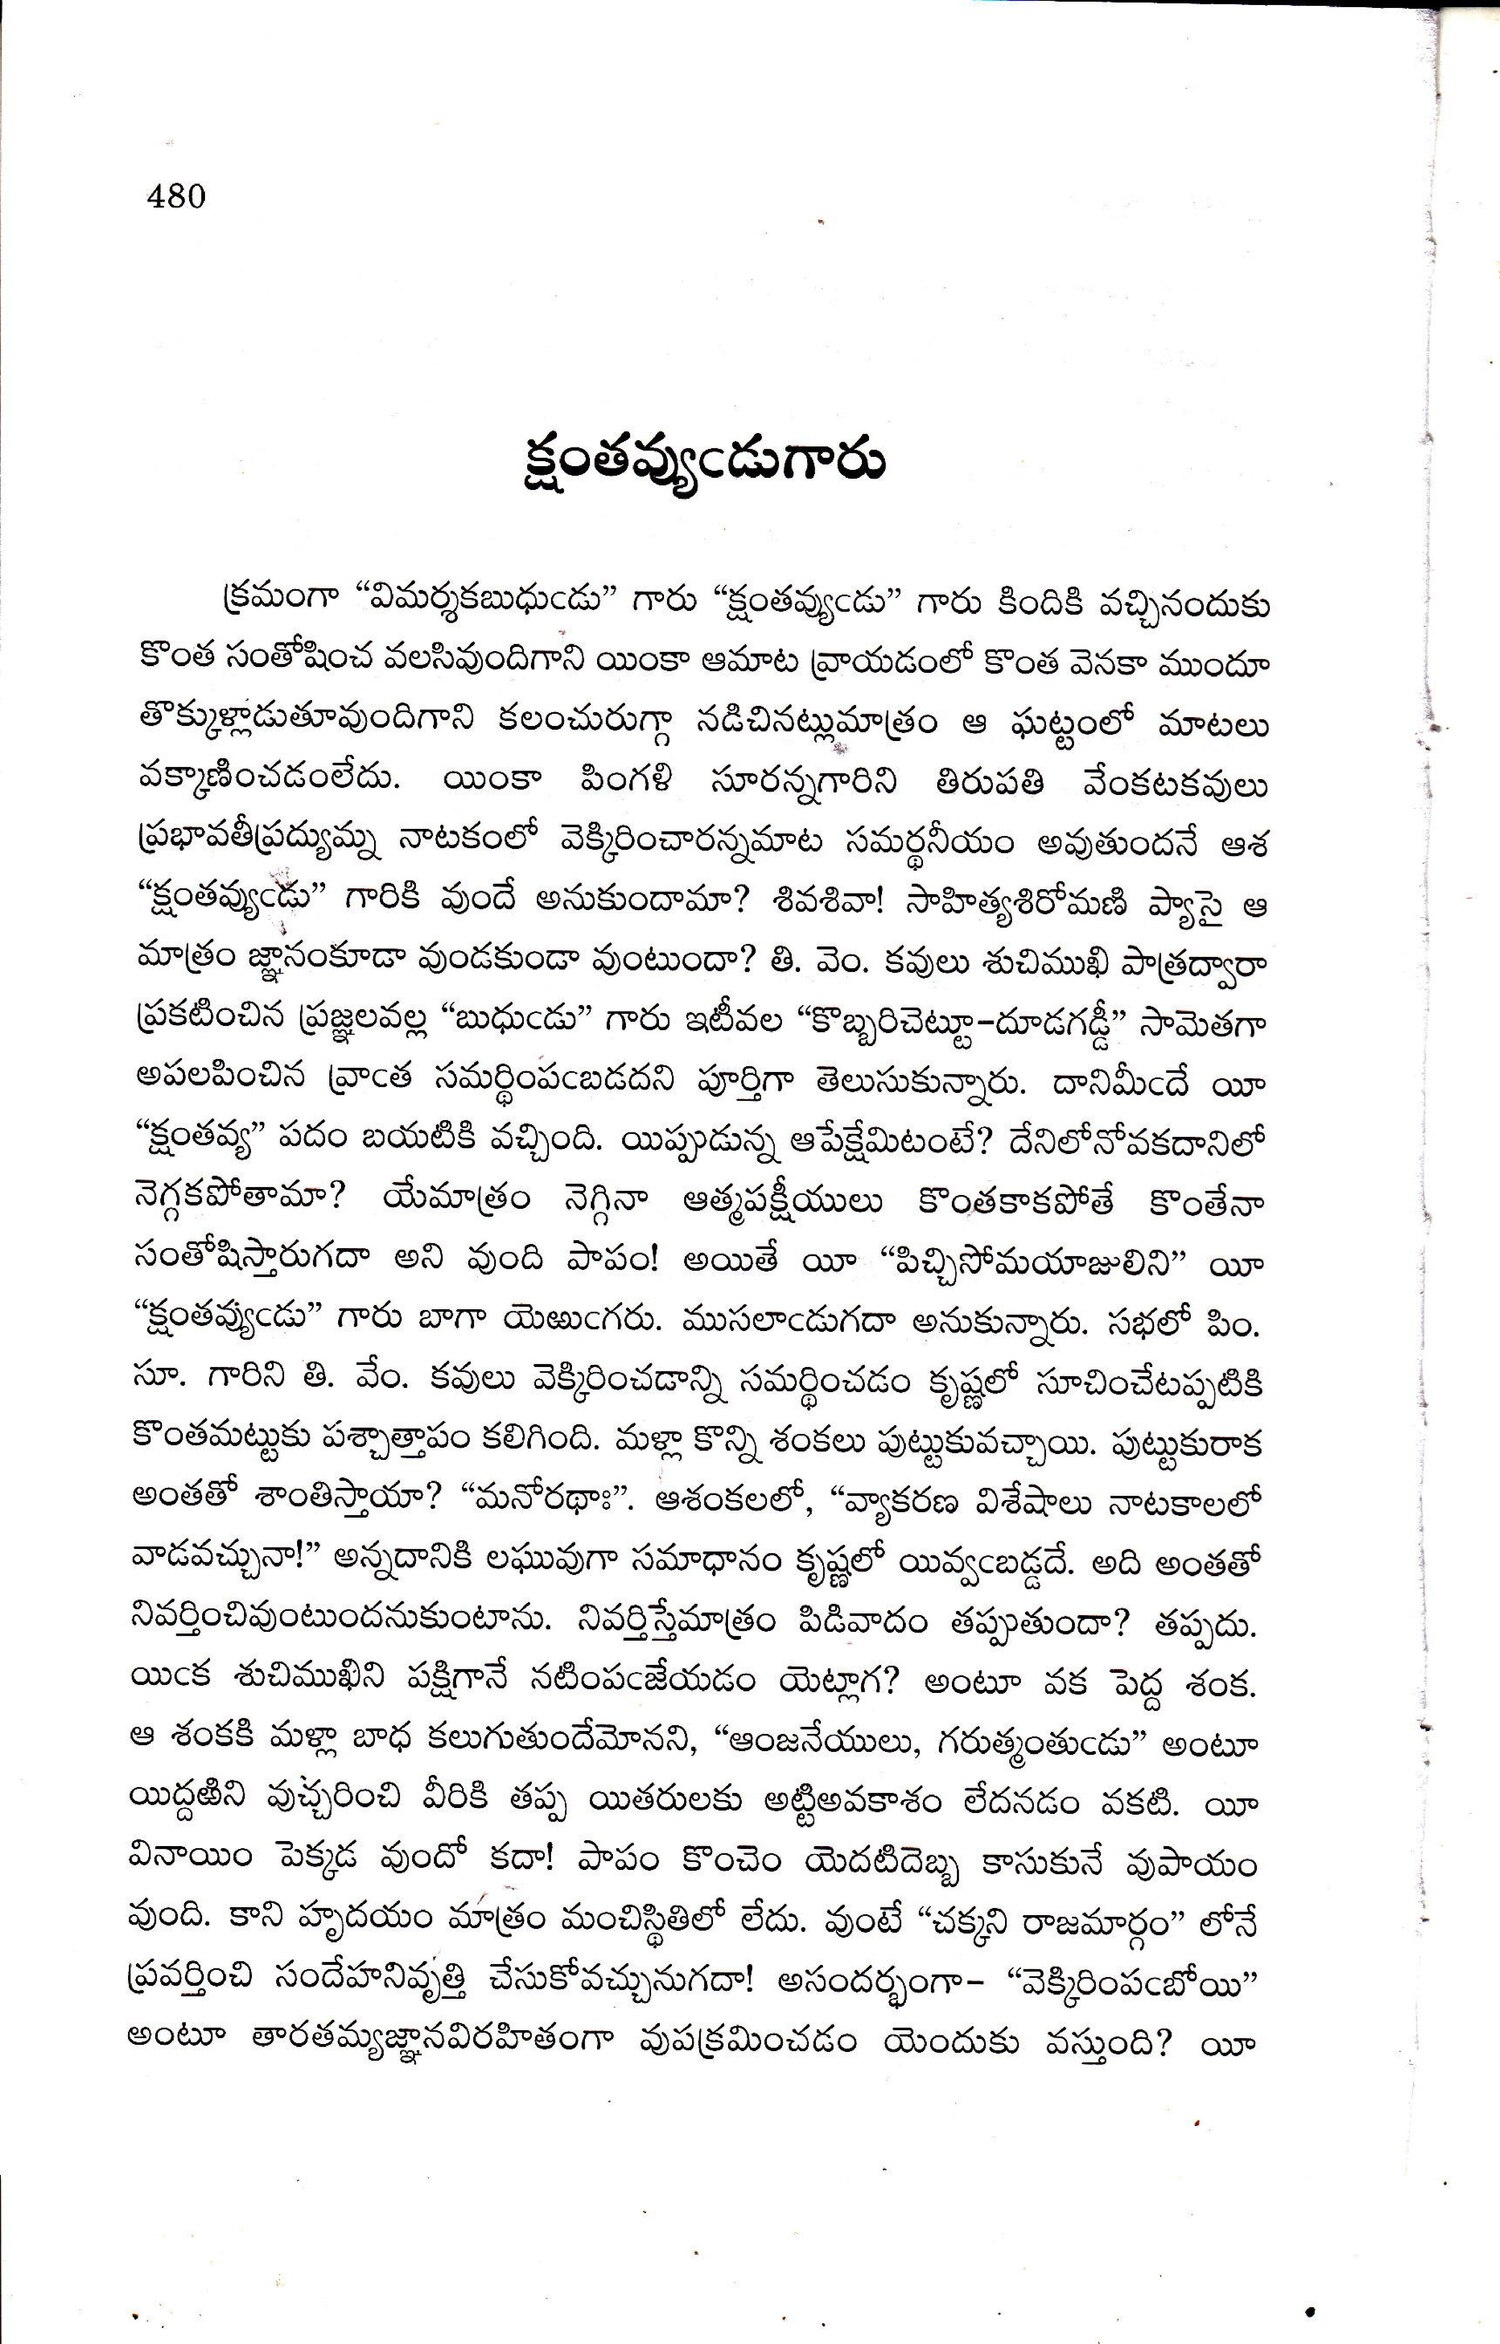క్షంతవ్యుఁడుగారు

క్రమంగా “విమర్శకబుధుఁడు" గారు "క్షంతవ్యుఁడు” గారు కిందికి వచ్చినందుకు కొంత సంతోషించ వలసివుందిగాని యింకా ఆమాట వ్రాయడంలో కొంత వెనకా ముందూ తొక్కుళ్లాడుతూవుందిగాని కలంచురుగ్గా నడిచినట్లుమాత్రం ఆ ఘట్టంలో మాటలు వక్కాణించడంలేదు. యింకా పింగళి సూరన్నగారిని తిరుపతి వేంకటకవులు ప్రభావతీప్రద్యుమ్న నాటకంలో వెక్కిరించారన్నమాట సమర్థనీయం అవుతుందనే ఆశ "క్షంతవ్యుఁడు” గారికి వుందే అనుకుందామా? శివశివా! సాహిత్యశిరోమణి ప్యాసై ఆ మాత్రం జ్ఞానంకూడా వుండకుండా వుంటుందా? తి. వెం. కవులు శుచిముఖి పాత్రద్వారా ప్రకటించిన ప్రజ్ఞలవల్ల "బుధుఁడు" గారు ఇటీవల "కొబ్బరిచెట్టూ-దూడగడ్డీ" సామెతగా అపలపించిన వ్రాఁత సమర్ధింపఁబడదని పూర్తిగా తెలుసుకున్నారు. దానిమీఁదే యీ “క్షంతవ్య" పదం బయటికి వచ్చింది. యిప్పుడున్న అపేక్షేమిటంటే? దేనిలోనోవకదానిలో నెగ్గకపోతామా? యేమాత్రం నెగ్గినా ఆత్మపక్షీయులు కొంతకాకపోతే కొంతేనా సంతోషిస్తారుగదా అని వుంది పాపం! అయితే యీ "పిచ్చిసోమయాజులిని" యీ “క్షంతవ్యుఁడు” గారు బాగా యెఱుఁగరు. ముసలాఁడుగదా అనుకున్నారు. సభలో పిం. సూ. గారిని తి. వేం. కవులు వెక్కిరించడాన్ని సమర్థించడం కృష్ణలో సూచించేటప్పటికి కొంతమట్టుకు పశ్చాత్తాపం కలిగింది. మళ్లా కొన్ని శంకలు పుట్టుకువచ్చాయి. పుట్టుకురాక అంతతో శాంతిస్తాయా? “మనోరథా”. ఆశంకలలో, “వ్యాకరణ విశేషాలు నాటకాలలో వాడవచ్చునా!” అన్నదానికి లఘువుగా సమాధానం కృష్ణలో యివ్వఁబడ్డదే. అది అంతతో నివర్తించివుంటుందనుకుంటాను. నివర్తిస్తే మాత్రం పిడివాదం తప్పుతుందా? తప్పదు. యిఁక శుచిముఖిని పక్షిగానే నటింపఁజేయడం యెట్లాగ? అంటూ వక పెద్ద శంక. ఆ శంకకి మళ్లా బాధ కలుగుతుందేమోనని, “ఆంజనేయులు, గరుత్మంతుఁడు" అంటూ యిద్దఱిని వుచ్చరించి వీరికి తప్ప యితరులకు అట్టిఅవకాశం లేదనడం వకటి. యీ వినాయిం పెక్కడ వుందో కదా! పాపం కొంచెం యెదటిదెబ్బ కాసుకునే వుపాయం వుంది. కాని హృదయం మాత్రం మంచిస్థితిలో లేదు. వుంటే "చక్కని రాజమార్గం" లోనే ప్రవర్తించి సందేహనివృత్తి చేసుకోవచ్చునుగదా! అసందర్భంగా- "వెక్కిరింపఁబోయి” అంటూ తారతమ్యజ్ఞానవిరహితంగా వుపక్రమించడం యెందుకు వస్తుంది? యీ